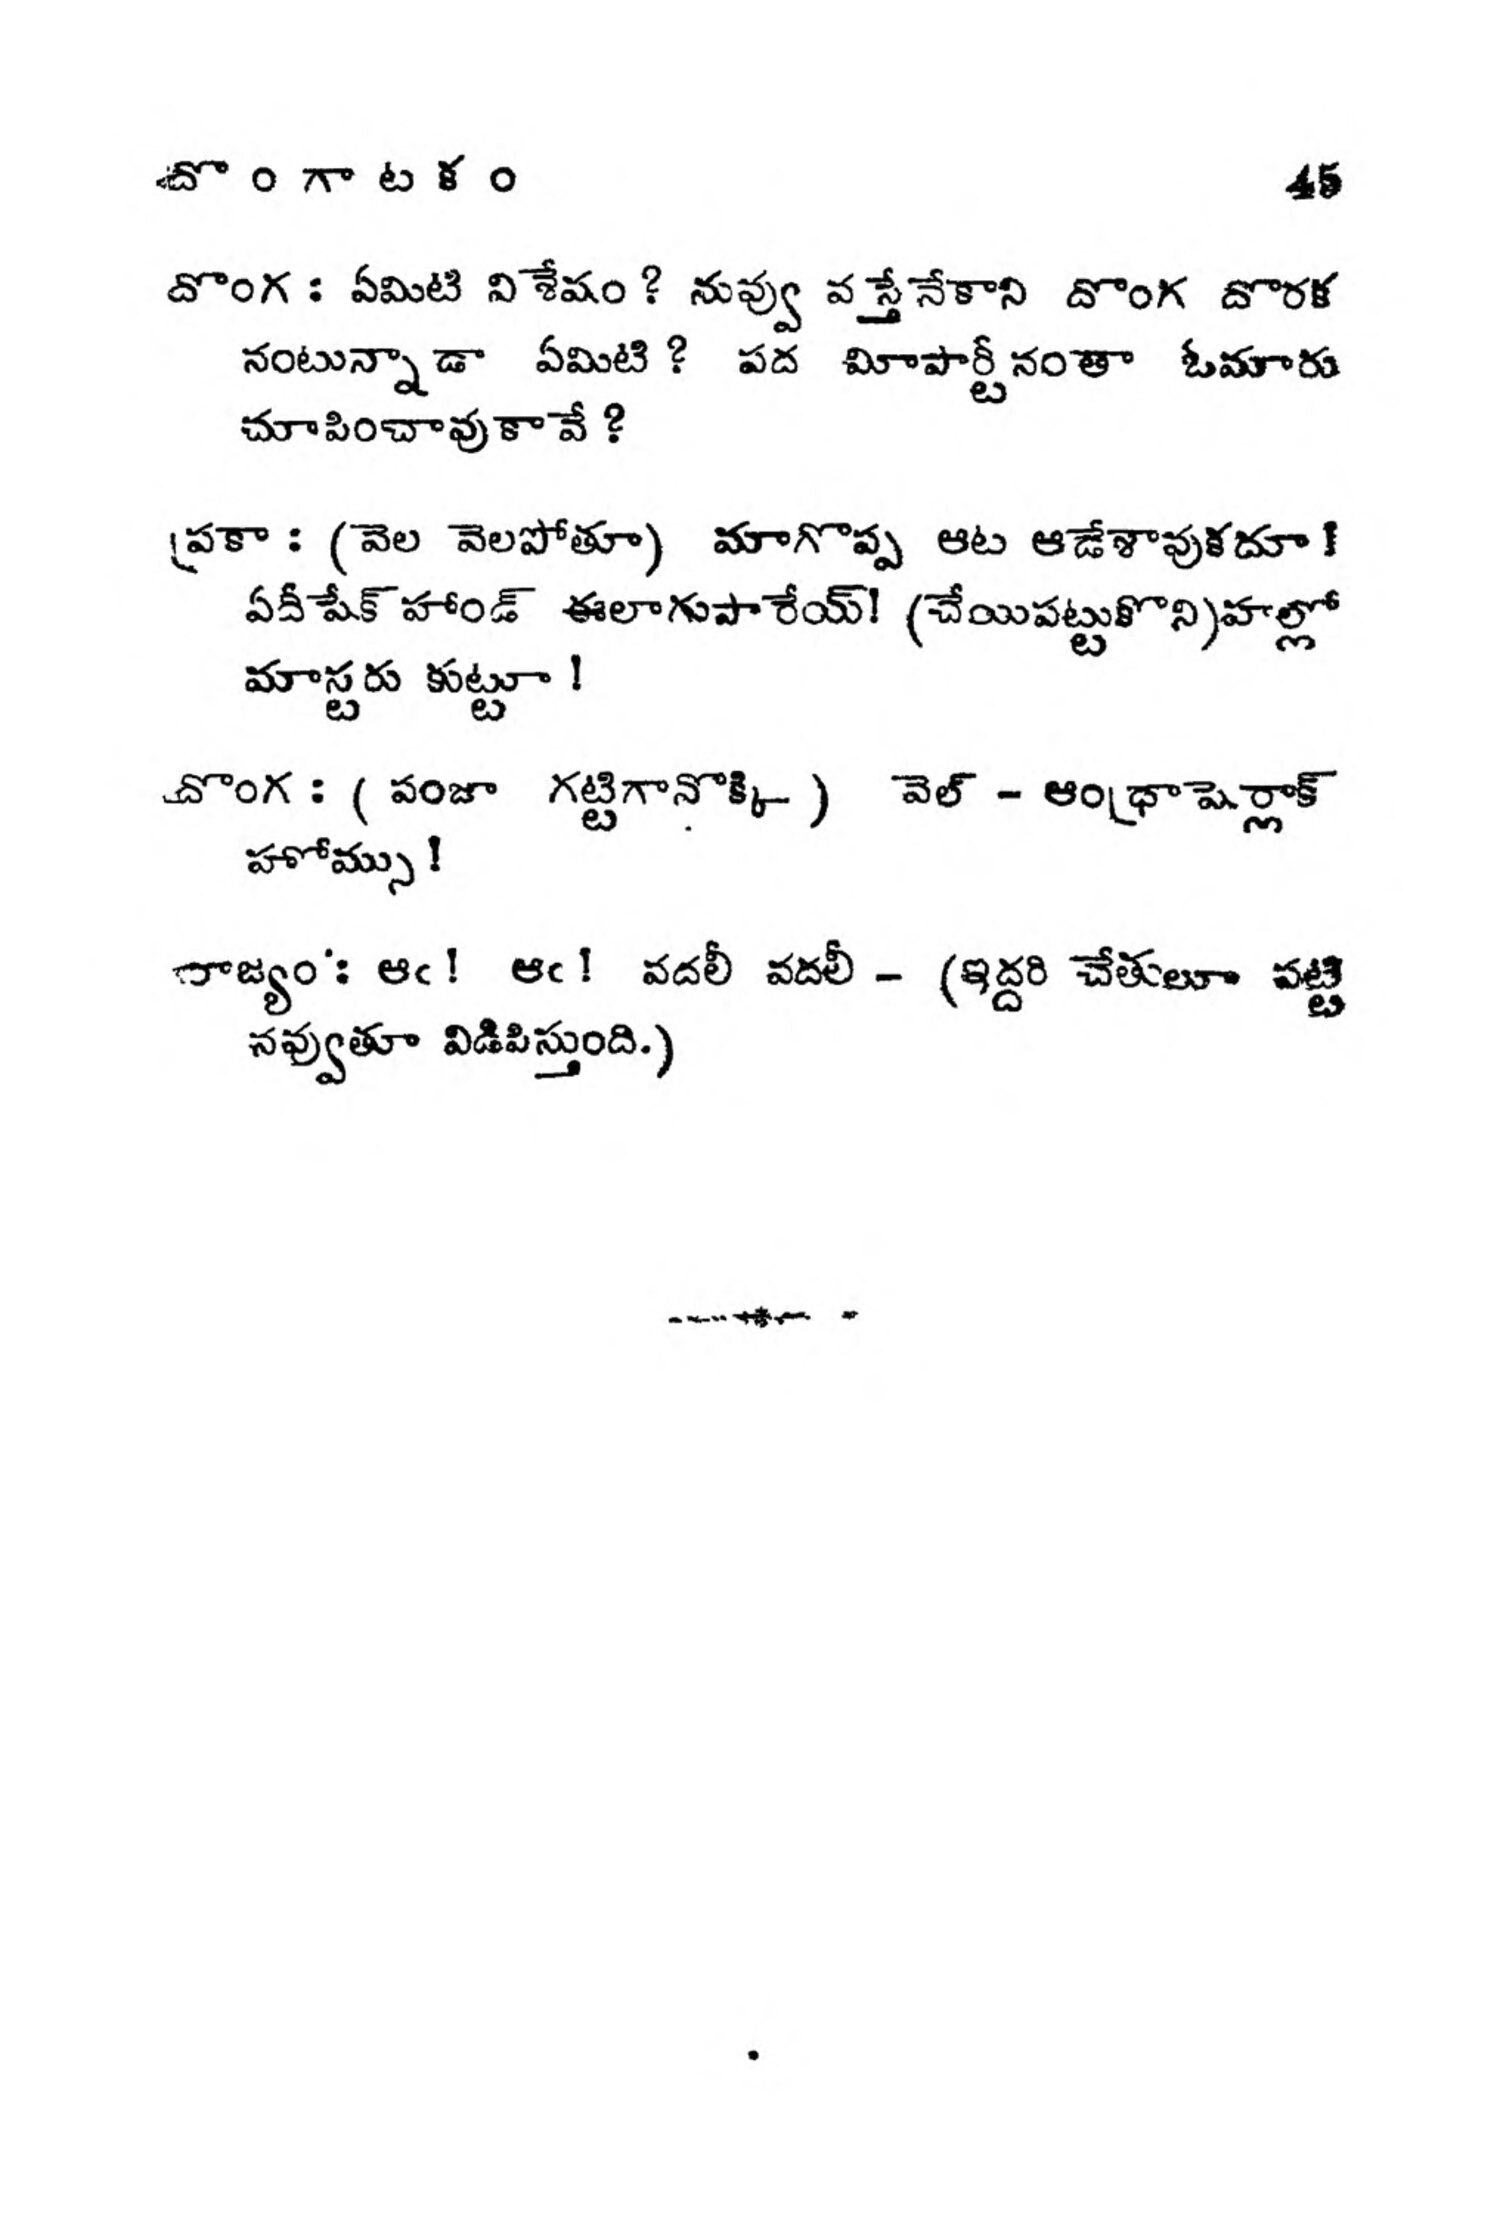దొంగ : ఏమిటి విశేషం ? నువ్వు వస్తేనేకాని దొంగ దొరకనంటున్నాడా ఏమిటి ? పద మీపార్టీనంతా ఓమారు
చూపించావుకావే?

ప్రకా : (వెల వెలపోతూ) మాగొప్ప ఆట ఆడేశావుకదూ! ఏదీషేక్‌హాండ్ ఈలాగుపారేయ్! (చేయిపట్టుకొని)హల్లో
మాస్టరు కుట్టూ !

దొంగ : (పంజా గట్టిగానొక్కి ) వెల్ - ఆంధ్రా షెర్లాక్ హోమ్సు!

రాజ్యం : ఆఁ! ఆఁ! వదలీ వదలీ - (ఇద్దరి చేతులూ పట్టి నవ్వుతూ విడిపిస్తుంది.)